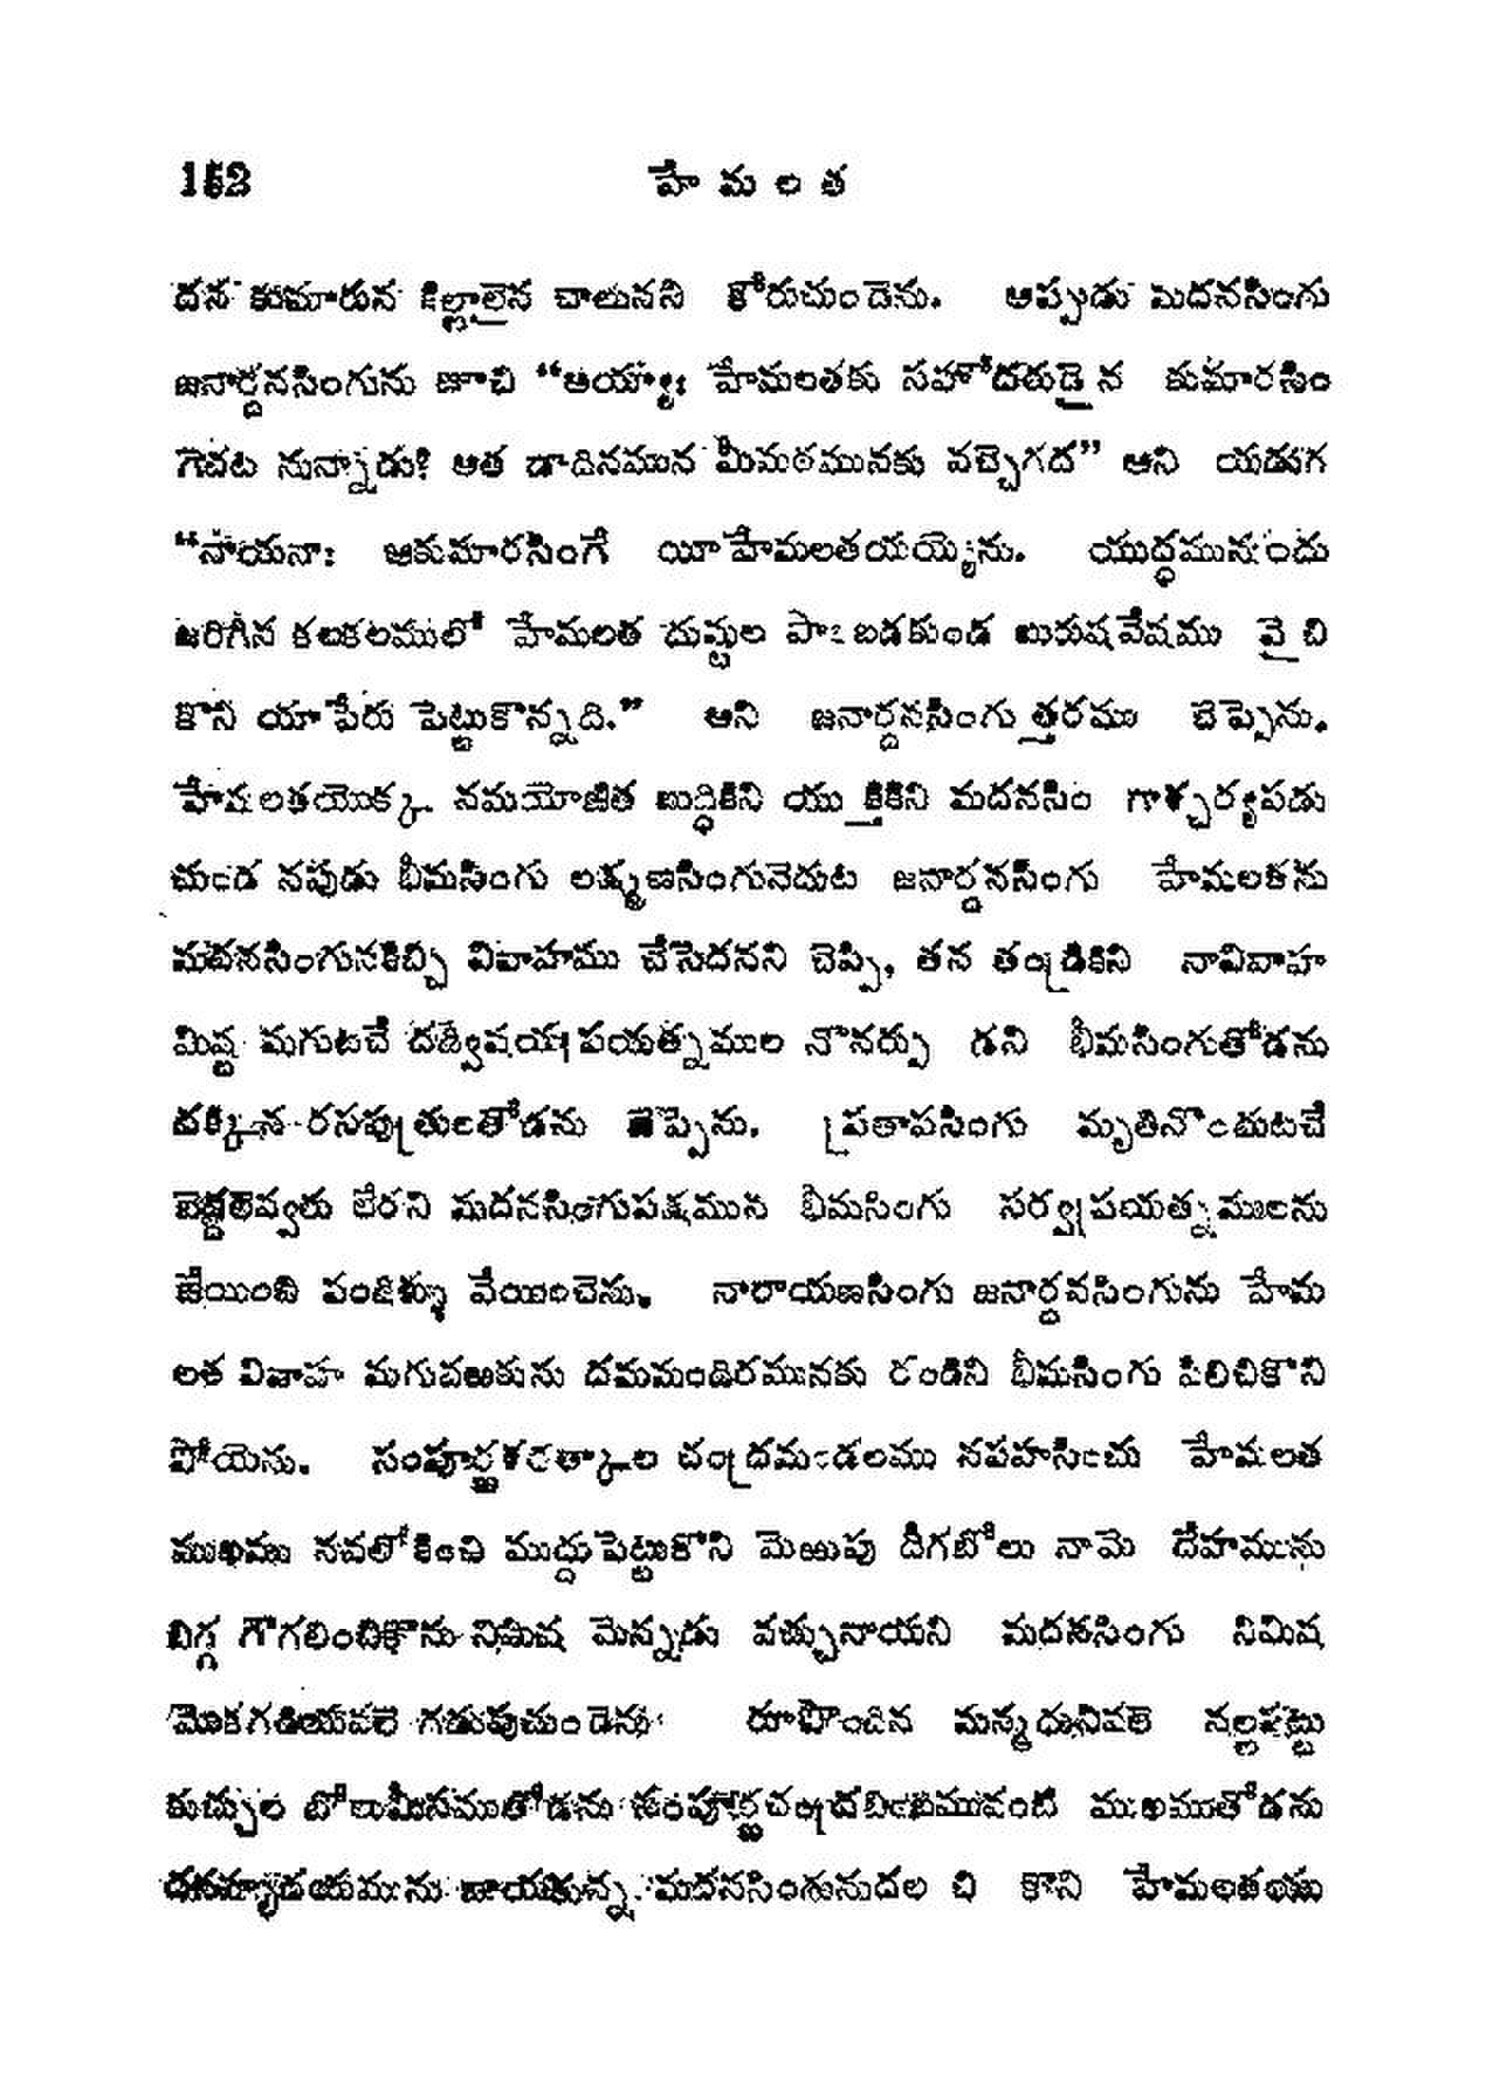దన కుమారున కిల్లాలైన చాలునని కోరుచుండెను. అప్పుడు మదనసింగు జనార్ధనసింగును జూచి “అయ్యా! హేమలతకు సహోదరుడైన కుమారసింగెచట నున్నాడు? అత డాదినమున మీమఠమునకు వచ్చెగద” అని యడుగ “నాయనా! ఆ కుమారసింగే యీ హేమలతయయ్యెను. యుద్ధమునందు జరిగిన కలకలములో హేమలత దుష్టుల పాలబడకుండ బురుషవేషము వైచికొని యా పేరు పెట్టుకొన్నది.” అని జనార్ధనసింగుత్తరము చెప్పెను. హేమలత యొక్క సమయోజిత బుద్ధికిని యుక్తికిని మదనసిం గాశ్చర్యపడుచుండ నపుడు భీమసింగు లక్ష్మణసింగునెదుట జనార్ధనసింగు హేమలతను మదనసింగునకిచ్చి వివాహము చేసెదనని చెప్పి, తన తండ్రికిని నావివాహ మిష్ట మగుటచే దద్విషయ ప్రయత్నముల నొనర్పు డని భీమసింగుతోడను దక్కిన రసపుత్రులతోడను చెప్పెను. ప్రతాపసింగు మృతినొందుటచే బెద్దలెవ్వరు లేరని మదనసింగుపక్షమున భీమసింగు సర్వ ప్రయత్నములను జేయించి పందిళ్ళు వేయించెను. నారాయణసింగు జనార్ధనసింగును హేమలత వివాహ మగువఱకును దమమందిరమునకు రండిని భీమసింగు పిలిచికొని పోయెను. సంపూర్ణ శరత్కాల చంద్రమండలము నపహసించు హేమలత ముఖము నవలోకించి ముద్దు పెట్టుకొని మెఱుపు దీగబోలు నామె దేహమును బిగ్గ గౌగలించికొను నిమిష మెన్నడు వచ్చునాయని మదనసింగు నిమిషమొక గడియవలె గడువుచుండెను. రూపొందిన మన్మధునివలె నల్లపట్టు కుచ్చుల బోలు మీసముతోడను సంపూర్ణచంద్రబింబమువంటి ముఖముతోడను దనహృదయమును బాయకున్న మదనసింగునుదలచి కొని హేమలతయు